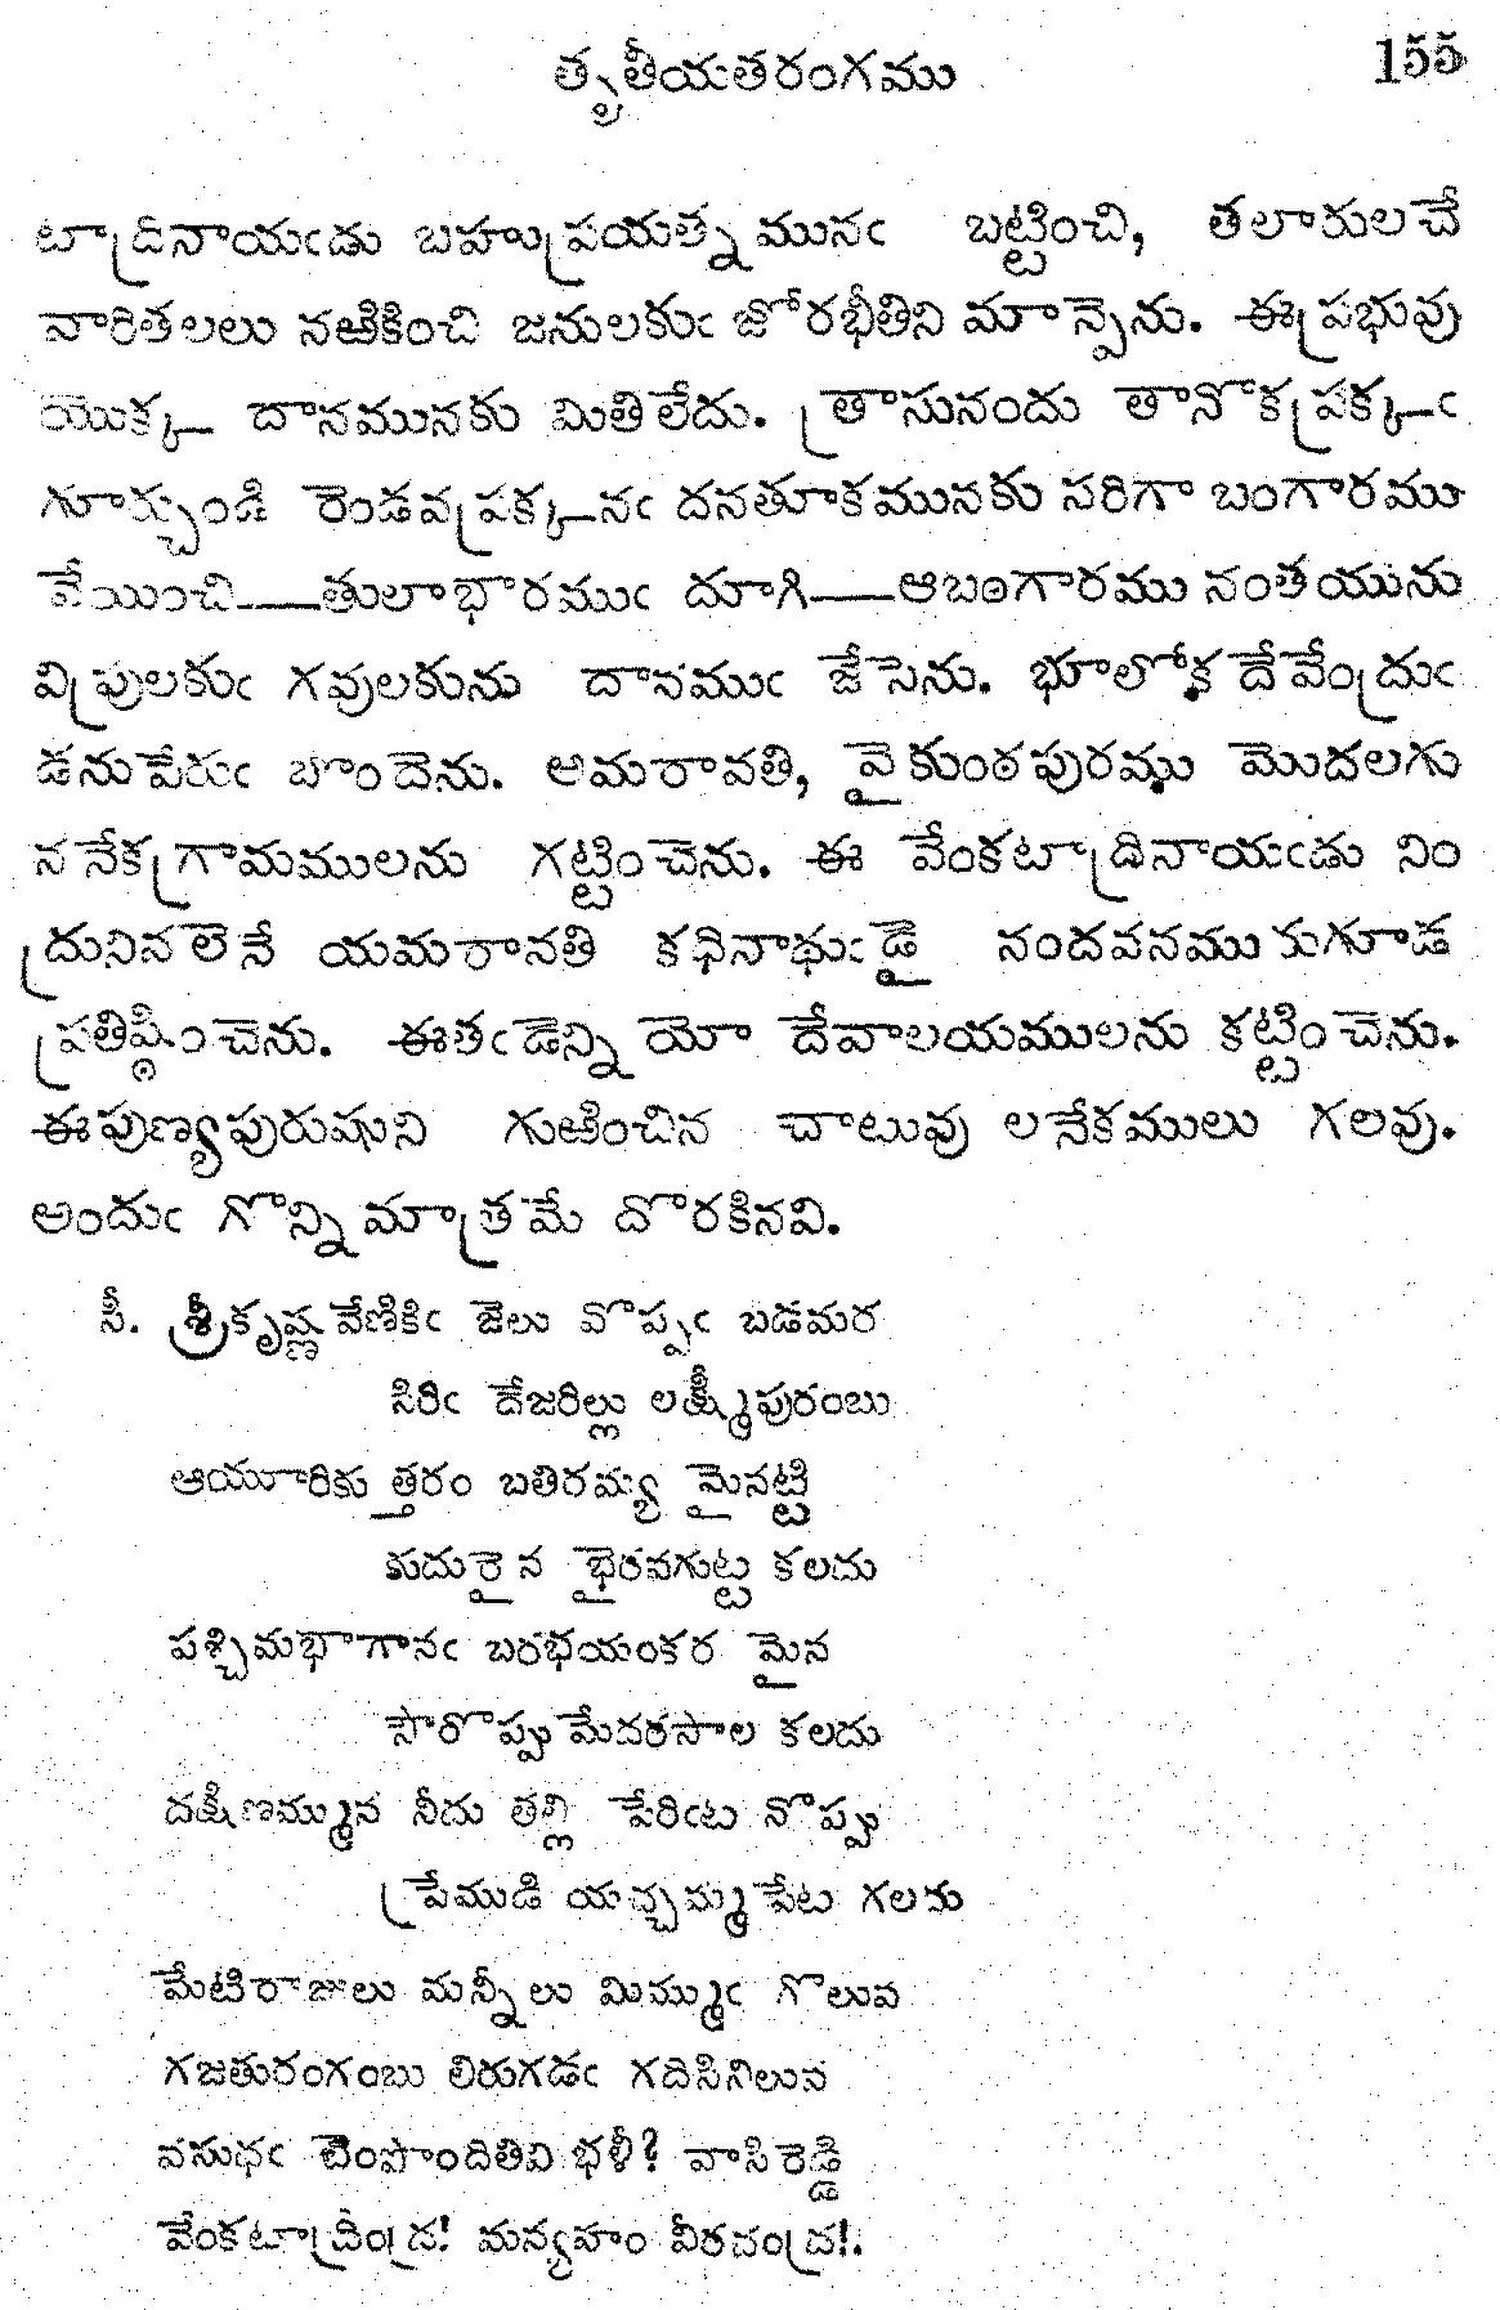టాద్రినాయఁడు బహుప్రయత్నమునఁ బట్టించి, తలారులచే వారితలలు నఱికించి జనులకుఁ జోరభీతిని మాన్పెను. త్రాసునందు తానొకప్రక్కఁ గూర్చుండి రెండవప్రక్కనఁ దనతూకమునకు సరిగా బంగారము వేయించి—తులాభారముఁ దూగి—ఆబంగారమునంతయును విప్రులకుఁ గవులకును దానముఁ జేసెను. భూలోకదేవేంద్రుఁ డనుపేరుఁ బొందెను. అమరావతి, వైకుంఠపురము మొదలగు ననేకగ్రామములను గట్టించెను. ఈవేంకటాద్రినాయఁడు నింద్రునివలెనే యమరావతి కధినాథుఁడై నందవనమునుగూడ ప్రతిష్ఠించెను. ఈతఁడెన్నియో దేవాలయములను కట్టించెను. ఈపుణ్యపురుషుని గుఱించిన చాటువు లనేకములు గలవు. అందుఁ గొన్నిమాత్రమే దొరకినవి.

సీ. శ్రీకృష్ణవేణికిఁ జెలు వొప్పఁ బడమర
 సిరిఁ దేజరిల్లు లక్ష్మీపురంబు
 ఆయూరి కుత్తరం బతిరమ్య మైనట్టి
 కుదురైన భైరవగుట్ట కలదు
 పశ్చిమభాగానఁ బరభయంకర మైన
 సౌరొప్పు మేదరసాల కలదు
 దక్షిణమ్మున నీదు తల్లి పేరిఁట నొప్పు
 ప్రేముడి యచ్చమ్మపేట గలదు
 మేటిరాజులు మన్నీలు మిమ్ముఁ గొలువ
 గజతురంగంబు లిరుగడఁ గదిసి నిలువ
 వసుధఁ బెంపొందితివి భళీ? వాసిరెడ్డి
 వేంకటాద్రీంద్ర! మన్యహం వీరచంద్ర!